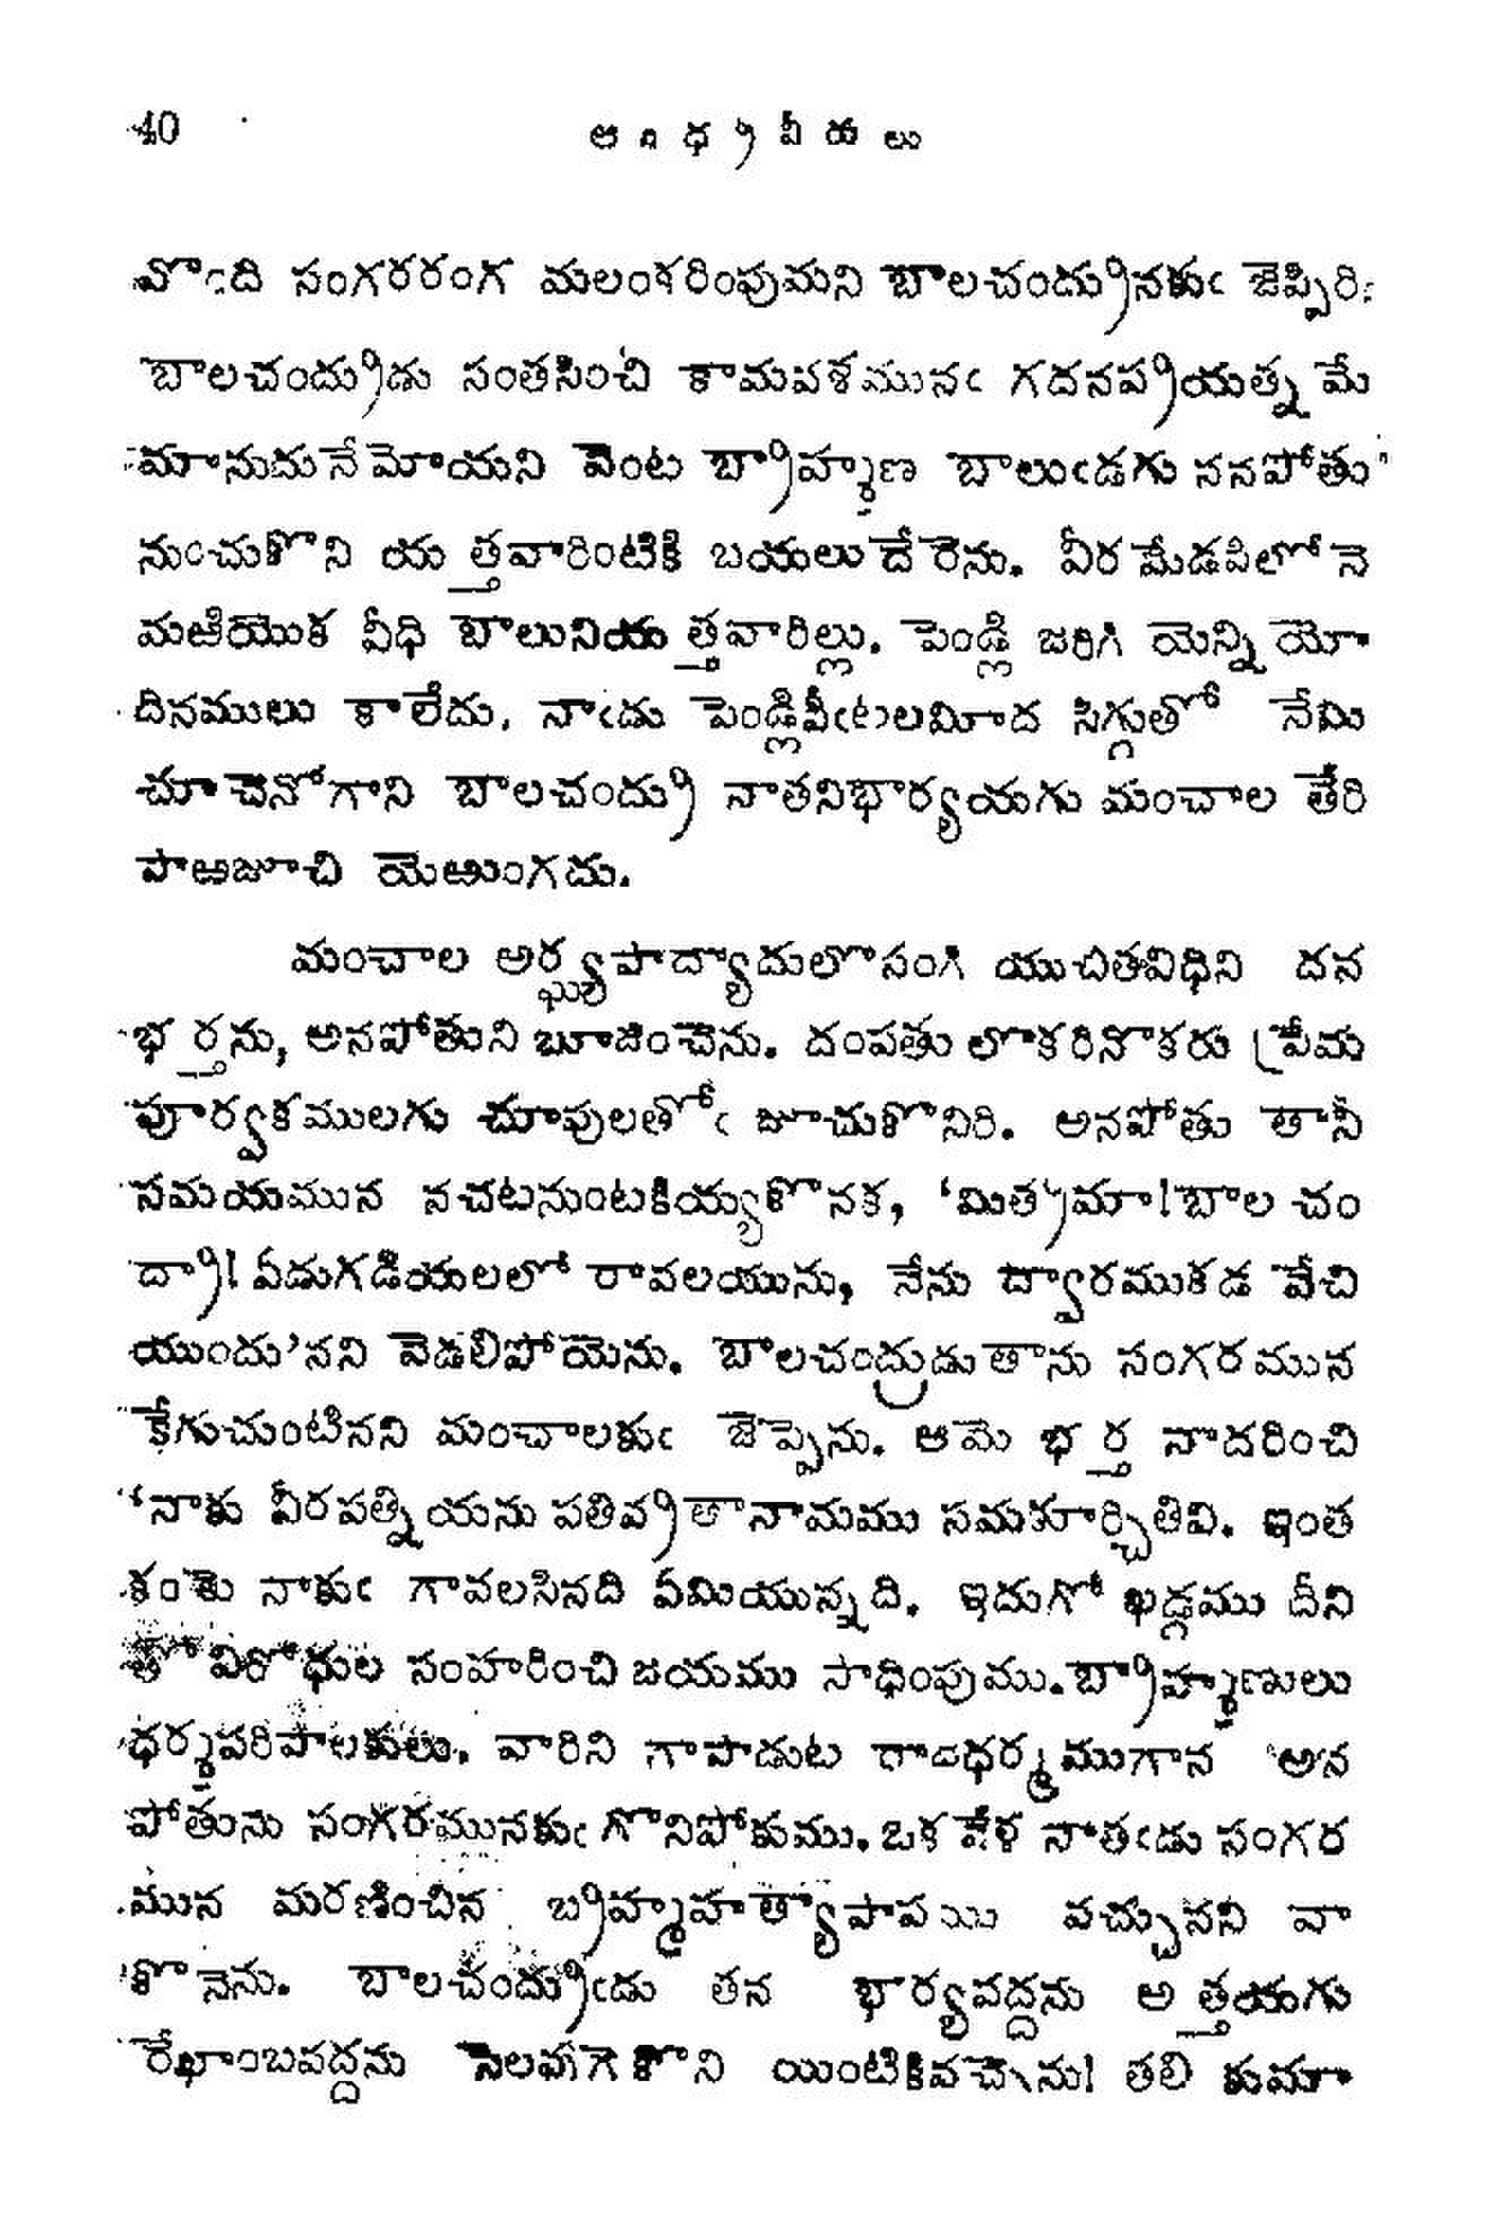వొంది సంగరరంగ మలంకరింపుమని బాలచంద్రునకు జెప్పిరి. బాలచంద్రుడు సంతసించి కామవశమున గదనప్రయత్నమే మానుదునేమోయని వెంట బ్రాహ్మణ బాలుడగు ననపోతు నుంచుకొని యత్తవారింటికి బయలుదేరెను. వీరమేడపిలోనె మఱియొక వీధి బాలునియత్తవారిల్లు. పెండ్లి జరిగి యెన్నియో దినములు కాలేదు. నాడు పెండ్లిపీటలమీద సిగ్గుతో నేమి చూచెనోగాని బాలచంద్రు నాతనిభార్యయగు మంచాల తేరి పాఱజూచి యెఱుంగదు.

మంచాల అర్ఘ్యపాద్యాదులొసంగి యుచితవిధిని దన భర్తను, అనపోతుని బూజించెను. దంపతు లొకరినొకరు ప్రేమ పూర్వకములగు చూపులతో జూచుకొనిరి. అనపోతు తానీ సమయమున నచటనుంటకియ్యకొనక, 'మిత్రమా! బాలచంద్రా! ఏడుగడియలలో రావలయును., నేను ద్వారముకడ వేచియుందు'నని వెడలిపోయెను. బాలచంద్రుడు తాను నగరమున కేగుచుంటినని మంచాలకు జెప్పెను. ఆమె భర్త నాదరించి 'నాకు వీరపత్నియను పతివ్రతానామము సమకూర్చితివి. ఇంత కంటె నాకు గావలసినది ఏమియున్నది. ఇదుగో ఖడ్గము దీనితోవిరోధుల సంహరించి జయము సాధింపుము. బ్రాహ్మణులు ధర్మపరిపాలకులు. వారిని గాపాడుట రాజధర్మముగాన 'అనపోతును సంగరమునకు గొనిపోకుము. ఒక వేళ నాతడు సంగరమున మరణించిన బ్రహ్మహత్యాపాపము వచ్చునని వా కొనెను. బాలచంద్రుడు తన భార్యవద్దను అత్తయగు రేఖాంబవద్దను సెలవుగెకొని యింటికివచ్చెను! తలి కుమా